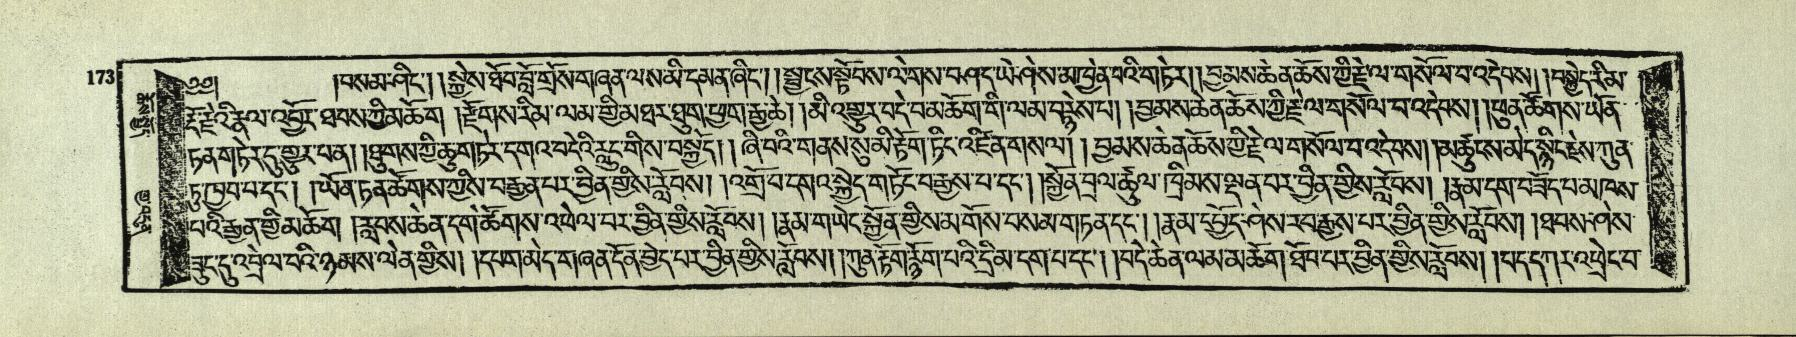༄༅། །བསམ་ཤིང་། །སྐྱེས་ཐོབ་བློ་གྲོས་གཞན་ལས་མི་དམན་ཞིང་། །སྦྱངས་སྟོབས་ལེགས་བཤད་ཡེ་ཤེས་མཁྱེན་པའི་གཏེར། །བྱམས་ཆེན་ཆོས་ཀྱི་རྗེ་ལ་གསོལ་བ་འདེབས། །བསྐྱེད་རིམ་
རྡོ་རྗེའི་རྣལ་འབྱོར་ཐབས་ཀྱི་མཆོག །རྫོགས་རིམ་ལམ་གྱི་མཐར་ཐུག་ཕྱག་རྒྱ་ཆེ། །མི་འགྱུར་བདེ་བ་མཆོག་གི་ལམ་བརྙེས་པ། །བྱམས་ཆེན་ཆོས་ཀྱི་རྗེ་ལ་གསོལ་བ་འདེབས། །ཕུན་ཚོགས་ཡོན་
ཏན་གཏེར་དུ་གྱུར་པ་ན། །ཐུགས་ཀྱི་ཆུ་གཏེར་དགའ་བདེའི་རླུང་གིས་བསྐྱོད། །ཞི་བའི་གནས་སུ་མི་རྟོག་ཏིང་འཛིན་གསལ། །བྱམས་ཆེན་ཆོས་ཀྱི་རྗེ་ལ་གསོལ་བ་འདེབས། །མཚུངས་མེད་སྙིང་རྗེས་ཀུན་
ཏུ་ཁྱབ་པ་དང་། །ཡོན་ཏན་ཚོགས་ཀྱིས་བརྒྱན་པར་བྱིན་གྱིས་རློབས། །འགྲོ་བ་དགའ་སྐྱེད་གཏོང་བ་རྒྱས་པ་དང་། །སྐྱོན་བྲལ་ཚུལ་ཁྲིམས་ལྡན་པར་བྱིན་གྱིས་རློབས། །རྣམ་དག་བཟོད་པ་མཁས་
པའི་རྒྱན་གྱི་མཆོག །རླབས་ཆེན་དགེ་ཚོགས་འཕེལ་བར་བྱིན་གྱིས་རློབས། །རྣམ་གཡེང་སྐྱོན་གྱིས་མ་གོས་བསམ་གཏན་དང་། །རྣམ་དཔྱོད་ཤེས་རབ་རྒྱས་པར་བྱིན་གྱིས་རློབས། །ཐབས་ཤེས་
ཟུང་དུ་འབྲེལ་བའི་ཉམས་ལེན་གྱིས། །དཔག་མེད་གཞན་དོན་བྱེད་པར་བྱིན་གྱིས་རློབས། །ཀུན་རྟོག་རྙོག་པའི་དྲི་མ་དག་པ་དང་། །བདེ་ཆེན་ལམ་མཆོག་ཐོབ་པར་བྱིན་གྱིས་རློབས། །པད་དཀར་འཕྲེང་བ་